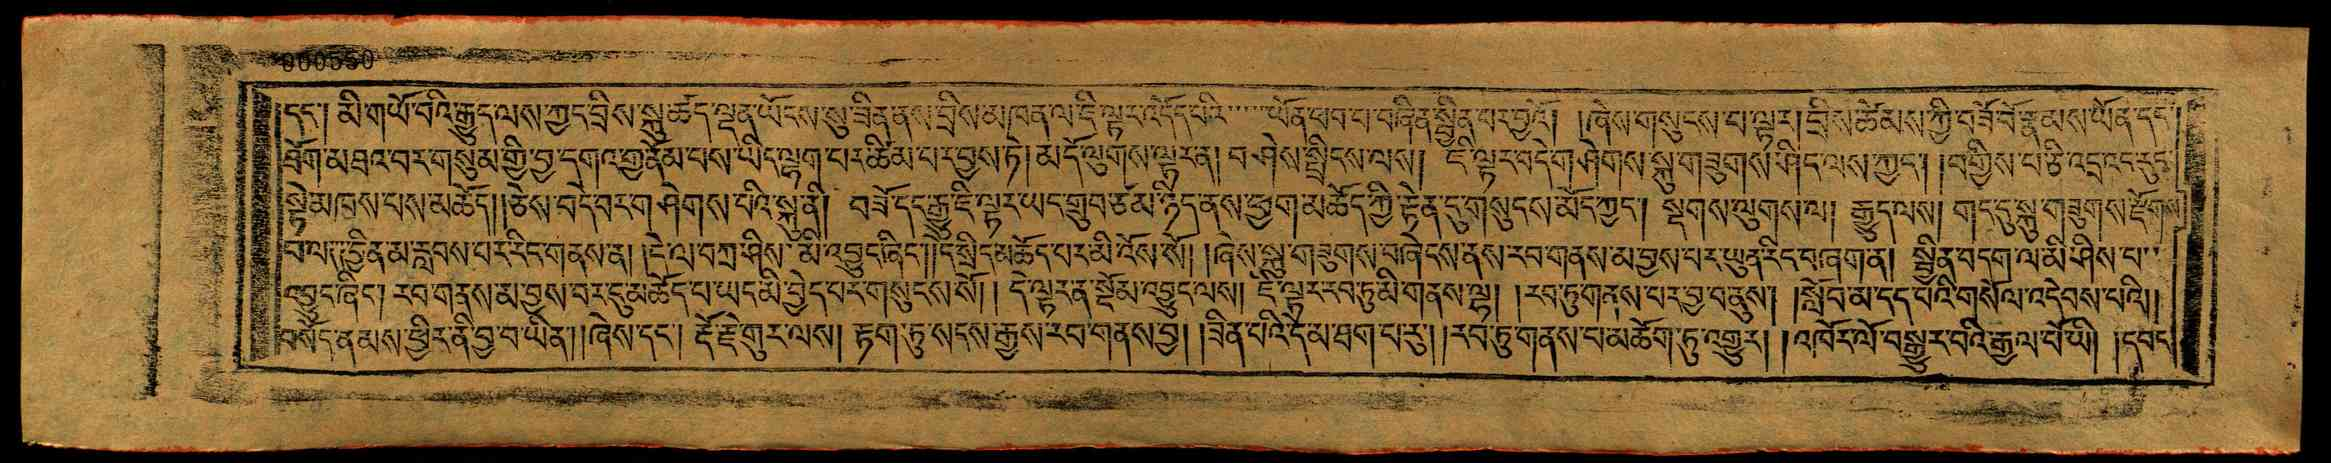དང་། མི་གཡོ་བའི་རྒྱུད་ལས་ཀྱང་བྲིས་སྐུ་ཚད་ལྡན་ཡོངས་སུ་ཟིན་ནས་བྲིས་མཁན་ལ་ཇི་ལྟར་འདོད་པའི་་་ཡོན་ཕབ་པ་བཞིན་སྦྱིན་པར་བྱའོ། །ཞེས་གསུངས་པ་ལྟར། བྲིས་ཚེམས་ཀྱི་བཟོ་བོ་རྣམས་ཡོན་དང་
ཐོག་མཐའ་བར་གསུམ་གྱི་བྱ་དགའ་གྱ་ནོམ་པས་ཡིད་ལྷག་པར་ཚིམ་པར་བྱས་ཏེ། མདོ་ལུགས་ལྟར་ན། བཤེས་སྤྲིངས་ལས། ཇི་ལྟར་བདེ་གཤེགས་སྐུ་གཟུགས་ཤིང་ལས་ཀྱང་། །བགྱིས་པ་ཅི་འདྲའང་རུང་
སྟེ་མཁས་པས་མཆོད། །ཅེས་བདེ་བར་གཤེགས་པའི་སྐུ་ནི། བཟོ་དང་རྒྱུ་ཇི་ལྟར་ཡང་གྲུབ་ཙམ་ཉིད་ནས་ཕྱག་མཆོད་ཀྱི་རྟེན་དུ་གསུངས་མོད་ཀྱང་། སྔགས་ལུགས་ལ། རྒྱུད་ལས། གང་དུ་སྐུ་གཟུགས་རྫོགས་
པ་ལ༑ ༑བྱིན་མ་རླབས་པར་རིང་གནས་ན། །དེ་ལ་བཀྲ་ཤིས་་་མི་འབྱུང་ཞིང་། །དེ་སྲིད་མཆོད་པར་མི་འོས་སོ། །ཞེས་སྐུ་གཟུགས་བཞེངས་ནས་རབ་གནས་མ་བྱས་པར་ཡུན་རིང་བཞག་ན། སྦྱིན་བདག་ལ་མི་ཤེས་པ་
འབྱུང་ཞིང་། རབ་གནས་མ་བྱས་བར་དུ་མཆོད་པ་ཡང་མི་བྱེད་པར་གསུངས་སོ། དེ་ལྟར་ན་སྡོམ་འབྱུང་ལས། ཇི་ལྟར་རབ་ཏུ་མི་གནས་ལྷ། །རབ་ཏུ་གནས་པར་བྱ་བ་ནུས། །སློབ་མ་དད་པའི་གསོལ་འདེབས་པའི།།
བསོད་ནམས་ཕྱིར་ནི་བྱ་བ་ཡིན། །ཞེས་དང་། རྡོ་རྗེ་གུར་ལས། རྟག་ཏུ་སངས་རྒྱས་རབ་གནས་བྱ། །ཟིན་པའི་དེ་མ་ཐག་པ་རུ། །རབ་ཏུ་གནས་པ་མཆོག་ཏུ་འགྱུར། །འཁོར་ལོ་བསྒྱུར་བའི་རྒྱལ་པོ་ཡི། །དབང་